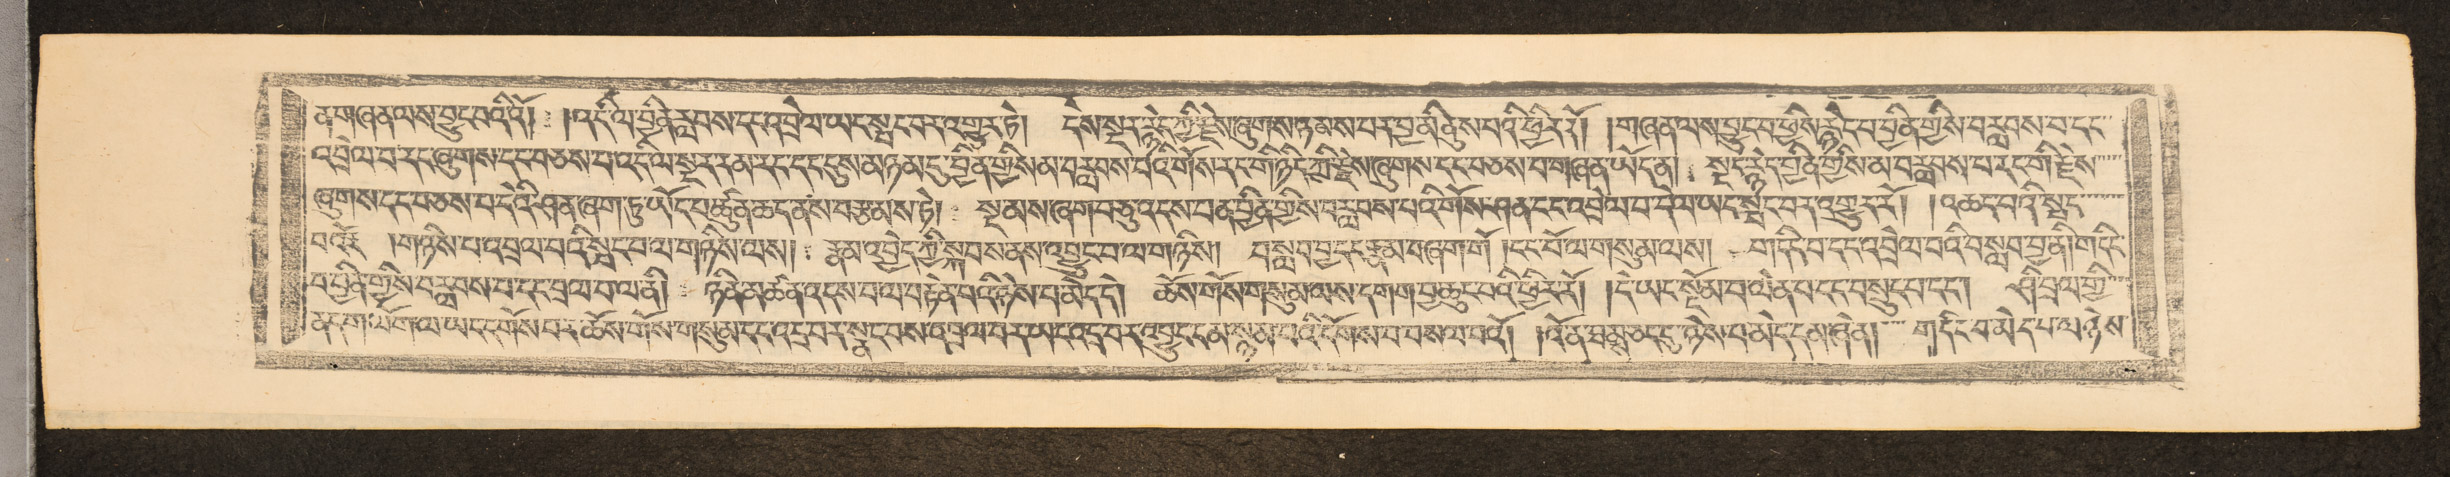ན་གཞན་ལས་བྱུང་བའི་འོ། །འདི་ལ་བྱིན་རླབས་དང་འབྲེལ་ཡང་སྤང་བར་འགྱུར་ཏེ། དེས་སྔར་རྙེད་ཀྱི་རྗེས་ཞུགས་ཉམས་པར་བྱ་མི་ནུས་པའི་ཕྱིར་རོ། །གཞན་ལས་བྱུང་བ་ཕྱིས་རྙེད་པ་བྱིན་གྱིས་བརླབས་པ་དང་
འབྲེལ་བ་རང་ཞུགས་དང་བཅས་པ་འདི་ལ་སྔར་རམ་རང་དང་དུས་མཉམ་དུ་བྱིན་གྱིས་མ་བརླབས་པའི་གོས་རང་གི་ཉིད་ཀྱི་རྗེས་ཞུགས་དང་བཅས་པ་གཞན་ཡོད་ན། སྔར་རྙེད་བྱིན་གྱིས་མ་བརླབས་པ་རང་གི་རྗེས་
ཞུགས་དང་བཅས་པ་དེའི་ཤན་ཞག་ཏུ་ཡོད་པ་ཚུན་ཆད་ནས་བརྩམས་ཏེ། སྔ་མས་ཞག་བཅུ་འདས་པ་ན་བྱིན་གྱིས་བརླབས་པའི་གོས་ཤན་དང་འབྲེལ་བ་དེ་ལ་ཡང་སྤང་བར་འགྱུར་རོ། །འཆང་བའི་སྤང་
པའོ༑ །གཉིས་པ་འབྲལ་བའི་སྤང་བ་ལ་གཉིས་ལས། རྣམ་འབྱེད་ཀྱི་སྐབས་ནས་འབྱུང་བ་ལ་གཉིས། བསླབ་བྱ་དང་རྣམ་བཞག་གོ །དང་པོ་ལ་གསུམ་ལས། གདིང་བ་དང་འབྲེལ་བའི་བསླབ་བྱ་ནི། གདིང་
བ་བྱིན་གྱིས་བརླབས་པ་དང་བྲལ་བ་ལ་ནི། ཉིན་མཚན་འདས་པ་ལ་བརྟེན་པའི་ཉེས་པ་མེད་དེ། ཆོས་གོས་གསུམ་ལས་དགག་བྱ་ཆུང་བའི་ཕྱིར་རོ། །དེ་ཡང་སྡོམ་པ་ལེན་པ་དང་བསྲུང་བ་དང་། ཤི་བྲལ་གྱི་
ནད་གཡོག་ལ་ཡང་དགོས་པར་ཆོས་གོས་གསུམ་དང་འདྲ་བར་སྣང་བས་འབྲལ་བར་ཡང་འདྲ་བར་འབྱུང་ངམ་སྙམ་པའི་དོགས་པ་བསལ་བའོ། །འོ་ན་ཐམས་ཅད་དུ་ཉེས་པ་མེད་དམ་ཞེ་ན། གདིང་བ་མེད་པ་ལ་ཉེས་